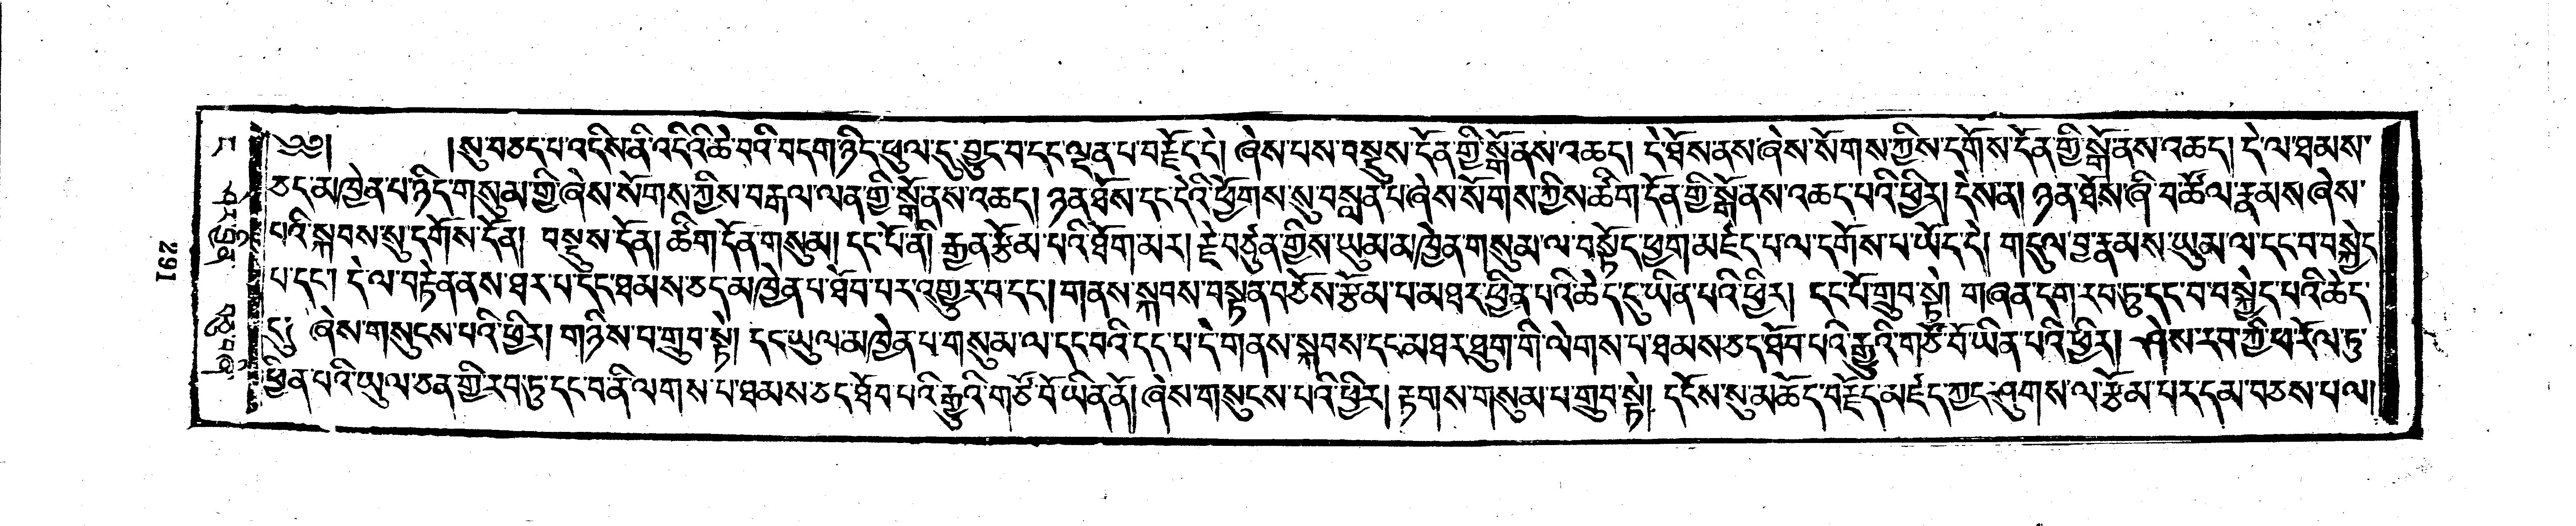༄༅། །སུ་བཅད་པ་འདིས་ནི་འདིའི་ཆེ་བའི་བདག་ཉིད་ཕུལ་དུ་བྱུང་བ་དང་ལྡན་པ་བརྗོད་དེ། ཞེས་པས་བསྡུས་དོན་གྱི་སྒོ་ནས་འཆད། དེ་ཐོས་ནས་ཞེས་སོགས་ཀྱིས་དགོས་དོན་གྱི་སྒོ་ནས་འཆད། དེ་ལ་ཐམས་
ཅད་མཁྱེན་པ་ཉིད་གསུམ་གྱི་ཞེས་སོགས་ཀྱིས་བརྒལ་ལན་གྱི་སྒོ་ནས་འཆད། ཉན་ཐོས་དང་དེའི་ཕྱོགས་སུ་བསླན་པ་ཞེས་སོགས་ཀྱིས་ཚིག་དོན་གྱི་སྒོ་ནས་འཆད་པའི་ཕྱིར། དེས་ན། ཉན་ཐོས་ཞི་བ་ཚོལ་རྣམས་ཞེས་
པའི་སྐབས་སུ་དགོས་དོན། བསྡུས་དོན། ཚིག་དོན་གསུམ། དང་པོ་ནི། རྒྱན་རྩོམ་པའི་ཐོག་མར། རྗེ་བཙུན་གྱིས་ཡུམ་མཁྱེན་གསུམ་ལ་བསྟོད་ཕྱག་མཛད་པ་ལ་དགོས་པ་ཡོད་དེ། གདུལ་བྱ་རྣམས་ཡུམ་ལ་དང་བ་བསྐྱེད་
པ་དང་། དེ་ལ་བརྟེན་ནས་ཐར་པ་དང་ཐམས་ཅད་མཁྱེན་པ་ཐོབ་པར་འགྱུར་བ་དང་། གནས་སྐབས་བསྟན་བཅོས་རྩོམ་པ་མཐར་ཕྱིན་པའི་ཆེད་དུ་ཡིན་པའི་ཕྱིར། དང་པོ་གྲུབ་སྟེ། གཞན་དག་རབ་ཏུ་དང་བ་བསྐྱེད་པའི་ཆེད་
དུ། ཞེས་གསུངས་པའི་ཕྱིར། གཉིས་པ་གྲུབ་སྟེ། དད་ཡུལ་མཁྱེན་པ་གསུམ་ལ་དང་བའི་དད་པ་དེ་གནས་སྐབས་དང་མཐར་ཐུག་གི་ལེགས་པ་ཐམས་ཅད་ཐོབ་པའི་རྒྱུའི་གཙོ་བོ་ཡིན་པའི་ཕྱིར། ཤེས་རབ་ཀྱི་ཕ་རོལ་ཏུ་
ཕྱིན་པའི་ཡུལ་ཅན་གྱི་རབ་ཏུ་དང་བ་ནི་ལེགས་པ་ཐམས་ཅད་ཐོབ་པའི་རྒྱུའི་གཙོ་བོ་ཡིན་ནོ། ཞེས་གསུངས་པའི་ཕྱིར། རྟགས་གསུམ་པ་གྲུབ་སྟེ། དངོས་སུ་མཆོད་བརྗོད་མཛད་ཀྱང་ཤུགས་ལ་རྩོམ་པར་དམ་བཅས་པ་ལ།